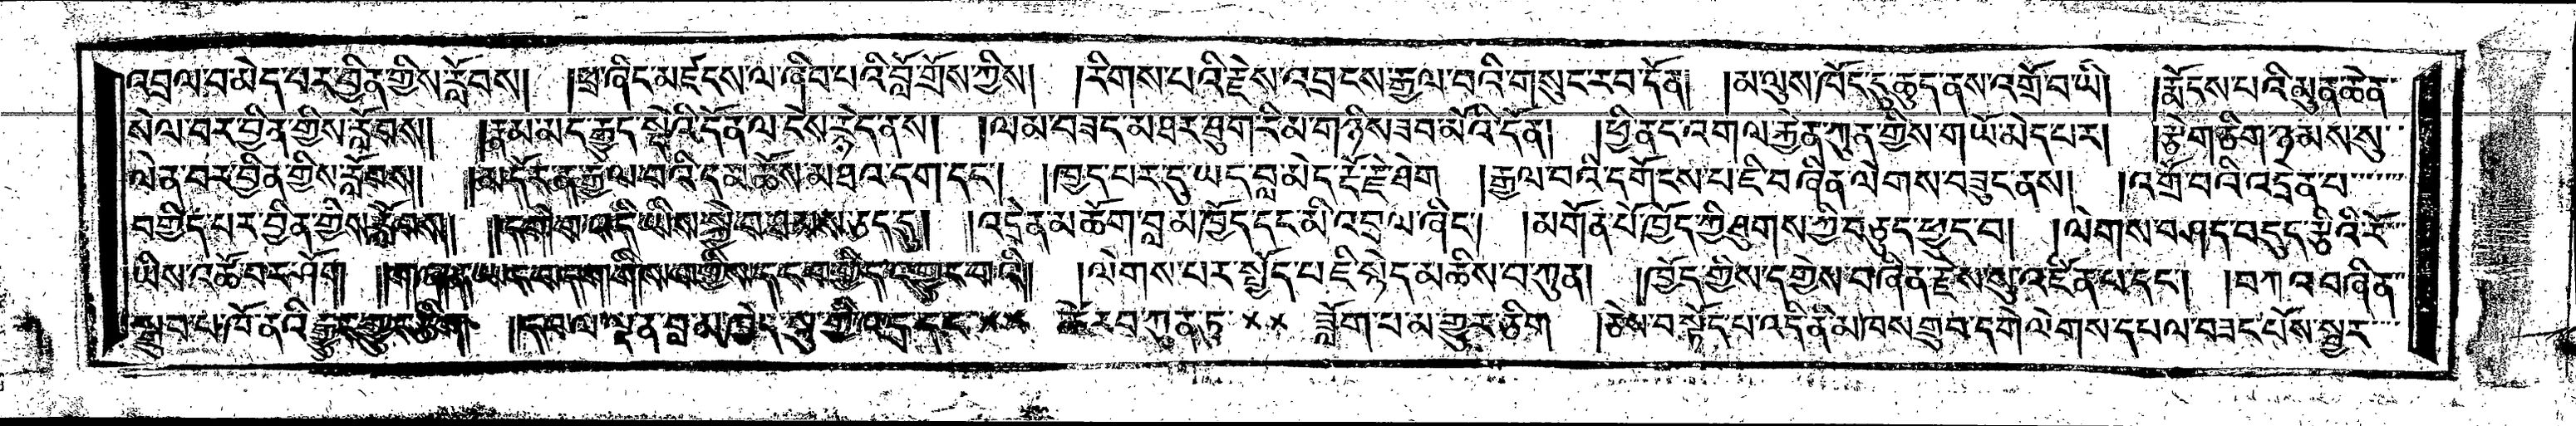འབྲལ་བ་མེད་པར་བྱིན་གྱིས་རློབས། །ཕྲ་ཞིང་མཛངས་ལ་ཞིབ་པའི་བློ་གྲོས་ཀྱིས། །རིགས་པའི་རྗེས་འབྲངས་རྒྱལ་བའི་གསུང་རབ་དོན། །མ་ལུས་ཁོང་དུ་ཆུད་ནས་འགྲོ་བ་ཡི། །རྨོངས་པའི་མུན་ཆེན་
སེལ་བར་བྱིན་གྱིས་རློབས། །རྣམ་མང་རྒྱུད་སྡེའི་དོན་ལ་ངེས་རྙེད་ནས། །ལམ་བཟང་མཐར་ཐུག་རིམ་གཉིས་ཟབ་མོའི་དོན། །ཕྱི་ནང་འགལ་རྐྱེན་ཀུན་གྱིས་གཡོ་མེད་པར། །རྩེ་གཅིག་ཉམས་སུ་
ལེན་བར་བྱིན་གྱིས་རློབས། །མདོར་ན་རྒྱལ་བའི་དམ་ཆོས་མཐའ་དག་དང་། །ཁྱད་པར་དུ་ཡང་བླ་མེད་རྡོ་རྗེ་ཐེག །རྒྱལ་བའི་དགོངས་པ་ཇི་བཞིན་ལེགས་བཟུང་ནས། །འགྲོ་བའི་འདྲེན་པ་
བགྱིད་པར་བྱིན་གྱིས་རློབས། །དགེ་བ་འདི་ཡིས་སྐྱེ་བ་ཐམས་ཅད་དུ། །འདྲེན་མཆོག་བླ་མ་ཁྱོད་དང་མི་འབྲལ་ཞིང་། །མགོན་པོ་ཁྱོད་ཀྱི་ཐུགས་ཀྱི་བཅུད་ཕྱུང་བ། །ལེགས་བཤད་བདུད་རྩིའི་རོ་
ཡིས་འཚོ་བར་ཤོག །གཞན་ཡང་བདག་གིས་བགྱིས་དང་བགྱིད་འགྱུར་བའི། །ལེགས་པར་སྤྱོད་པ་ཇི་སྙེད་མཆིས་བ་ཀུན། །ཁྱོད་གྱིས་དགྱེས་བཞིན་རྗེས་སུ་འཛིན་པ་དང་། །བཀའ་བཞིན་
སྒྲུབ་པ་ཁོ་ནའི་རྒྱུར་གྱུར་ཅིག །དཔལ་ལྡན་བླ་མ་ཁྱེད་སྐུ་གྱི་འདྲ་དང་྾་྾་ཚེ་རབ་ཀུན་ཏུ་྾་྾་ཟློག་པ་མ་གྱུར་ཅིག །ཅེས་བསྟོད་པ་འདི་ནི་མཁས་གྲུབ་དགེ་ལེགས་དཔལ་བཟང་པོས་སྦྱར་